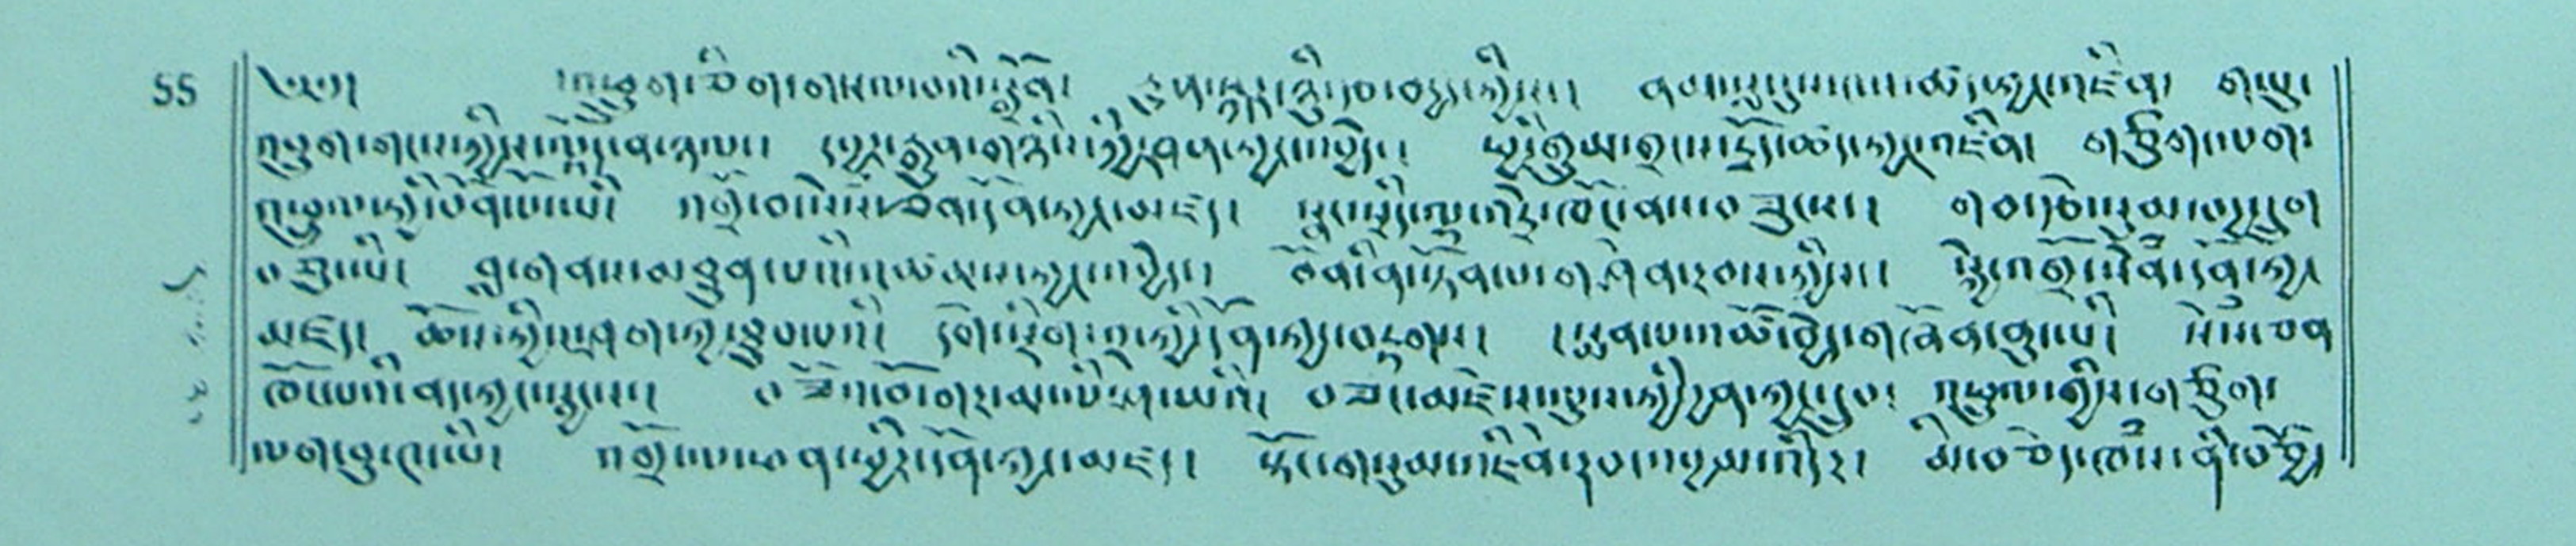འཕྲུགས་ཅིག་གསལ་བའི་སྒྲོན། རྒྱུ་སྐར་ཉི་ཤུ་རྩ་བརྒྱད་ཀྱིས། ནམ་ཟླ་དུས་བཞིས་ཚད་ཀྱང་འཛིན། གཡུ་
འབྲུག་གངས་ཀྱི་སྟོད་ན་ཉལ། དབྱར་རྒུན་གཉིས་ཀྱི་ཤན་ཀྱང་འབྱེད། ཕྱི་གྲུམ་གྲང་དྲོད་ཚད་ཀྱང་འཛིན། གཙུག་ལག་
འཕྲུལ་གྱི་བོན་པོ་ཡིས། འགྲོ་བ་སེམས་ཅད་དོན་ཀྱང་མཛད། སྣང་སྲིད་ལྷ་འདྲེ་ཁོང་ནས་བཟུངས། གབ་ཙེ་སུམ་བརྒྱ་དྲུག་
བཅུ་ཡིས། བླ་གནས་མཐུན་པའི་མཚམས་ཀྱང་འབྱེད། བོན་ནི་སྟོན་པ་གཤེན་རབ་ཀྱིས། སྐྱེ་འགྲོ་སེམས་ཅད་དོན་ཀྱང་
མཛད། ཆོས་ཀྱི་ཤཱཀྱ་ཐུབ་པ་ཡིས། དགེ་སྡུག་གཉིས་ཀྱི་དོན་ཀྱང་བརྟགས། སྨན་པ་འཚོ་བྱེད་གཞོན་ནུ་ཡིས། སེམས་ཅད་
ཁོང་བའི་ནད་ཀྱང་སྦྱངས། བཟོ་བོ་གར་མ་ལི་ཤོ་ཡིས། བཟང་མཛེས་ལུས་ཀྱི་རྒྱན་ཀྱང་དྲུབ། འཕྲུལ་གྱི་གཙུག་
ལག་བུ་བཞི་ཡིས། འགྲོ་ལ་ཕན་ཕྱིར་དོན་ཀྱང་མཛད། སྟོང་གསུམ་འཇིག་རྟེན་རབ་འབྱམས་འདིར། མི་བཅེད་ཁམས་ནི་བཅོ་བརྒྱད་